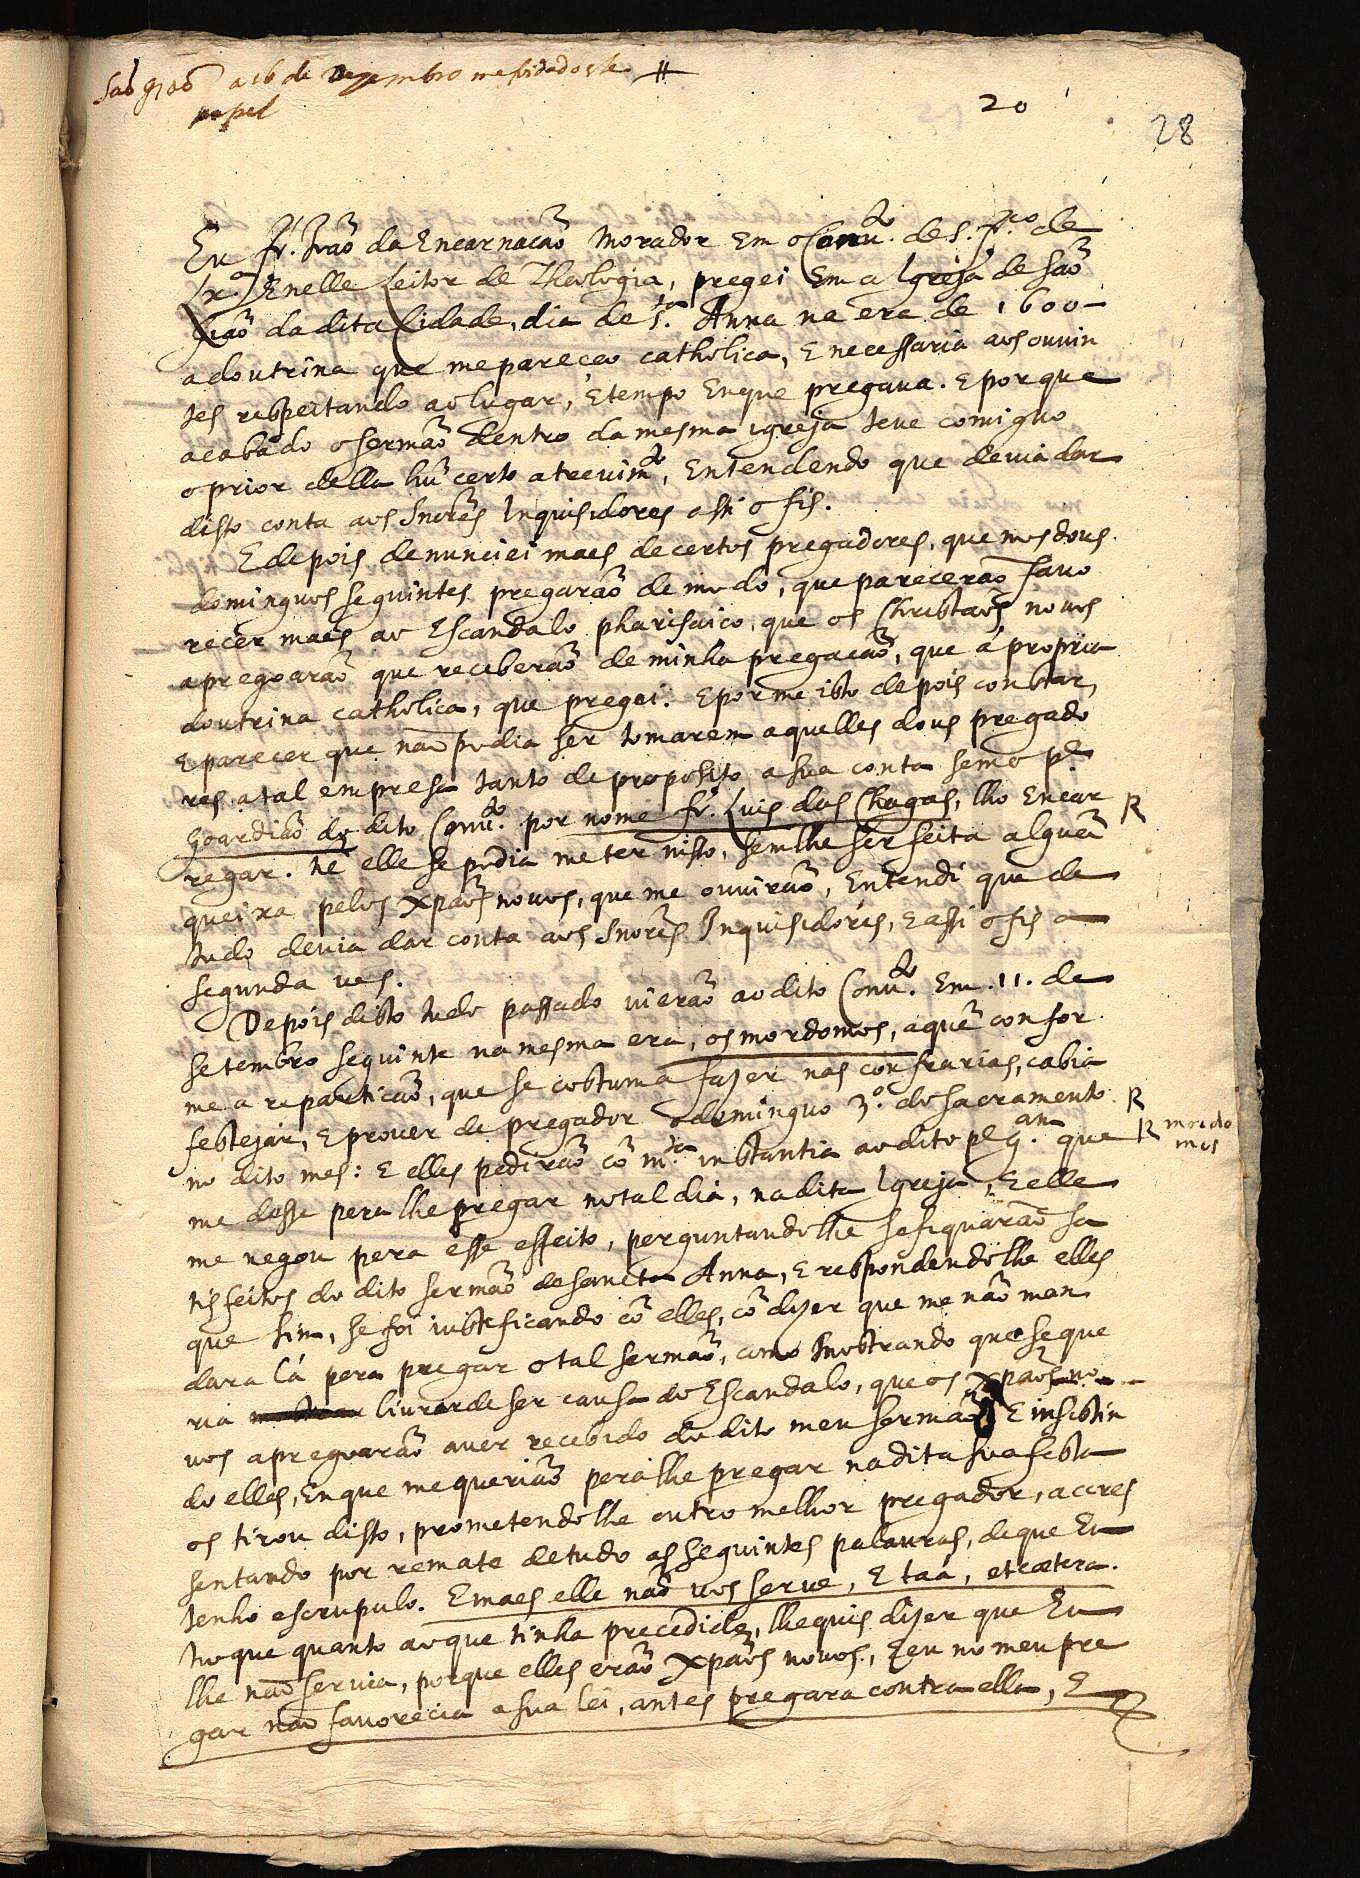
Saõ giaõ a 16 de Dezembro me foi dado este
papel
Eu fr. Ioaõ da Encarnacão morador Em o Conuto. de s. fr.co de
Lxa E nelle Leitor de Theologia, pregei Em a Igreja de saõ
Giaõ da dita Cidade, dia de s.ta Anna na era de 1600
a doutrina que me pareçeo catholica, E necessaria aos ouuin
tes respeitando ao lugar, E tempo En que pregaua. E porque
acabado o sermão dentro da mesma igreja teue comiguo
o prior della hū certo atreuimto, Entendendo que deuia dar
disto conta aos Snorēs Inquisidores assi o fis.
E depois denunciei maes de certos pregadores que nos dous
dominguos seguintes pregaraõ de modo, que parecerão fauo
recer maes ao Escandalo pharisaico, que os Christaõs nouos
apregoaraõ que receberaõ de minha pregacão, que á propria
doutrina catholica, que pregei. E por me isto depois constar,
E parecer que não podia ser tomarem aquelles dous pregado
res a tal empresa tanto de proposito a sua conta sem o p.e
Goardiaõ do dito Conuto. por nome fr. Luis das Chagas, lho Encar
regar. Nē elle se podia meter nisso, sem lhe ser feita alguā
queixa pelos xpaõs nouos, que me ouuiraõ, Entendi que de
tudo deuia dar conta aos snorēs Inquisidores, E assi o fis a
segunda ues.
Depois disto tudo passado uieraõ ao dito Conuto. Em .11. de
setembro seguinte na mesma era, os mordomos, a quē confor
me a reparticaõ, que se costuma a fazer nas confrarias, cabia
festejar, E prouer de pregador o dominguo 3.o do sacramento
no dito mes: E elles pediraõ cō m.ta instantia ao dito pe g.am que
me desse pera lhe pregar no tal dia, na dita Igreja, E elle
me negou pera esse effeito, perguntandolhe se fiquarão sa
tisfeitos do dito sermão de sancta Anna, E respondendolhe elles
que sim, se foi iusteficando cō elles, cō dizer que me não man
dara lá pera pregar o tal sermaõ, como mostrando que se que
ria mostrar liurar de ser causa do Escandalo, que os xpaõs no
uos apregoaraõ auer recebido do dito meu sermaõ E insistin
do elles, En que me querião pera lhe pregar na dita sua festa
os tirou disso, prometendolhe outro melhor pregador, accres
sentando por remate de tudo as seguintes palauras, de que Eu
tenho escrupulo. E maes elle naõ uos serue, E taá, et cœtera
No que quanto ao que tinha precedido, lhe quis dizer que Eu
lhe não seruia, porque elles eraõ Xpaõs nouos, E eu no meu pre
gar não fauorecia a sua lei, antes pregara contra ella, E
R
R
R
in re do
mus
